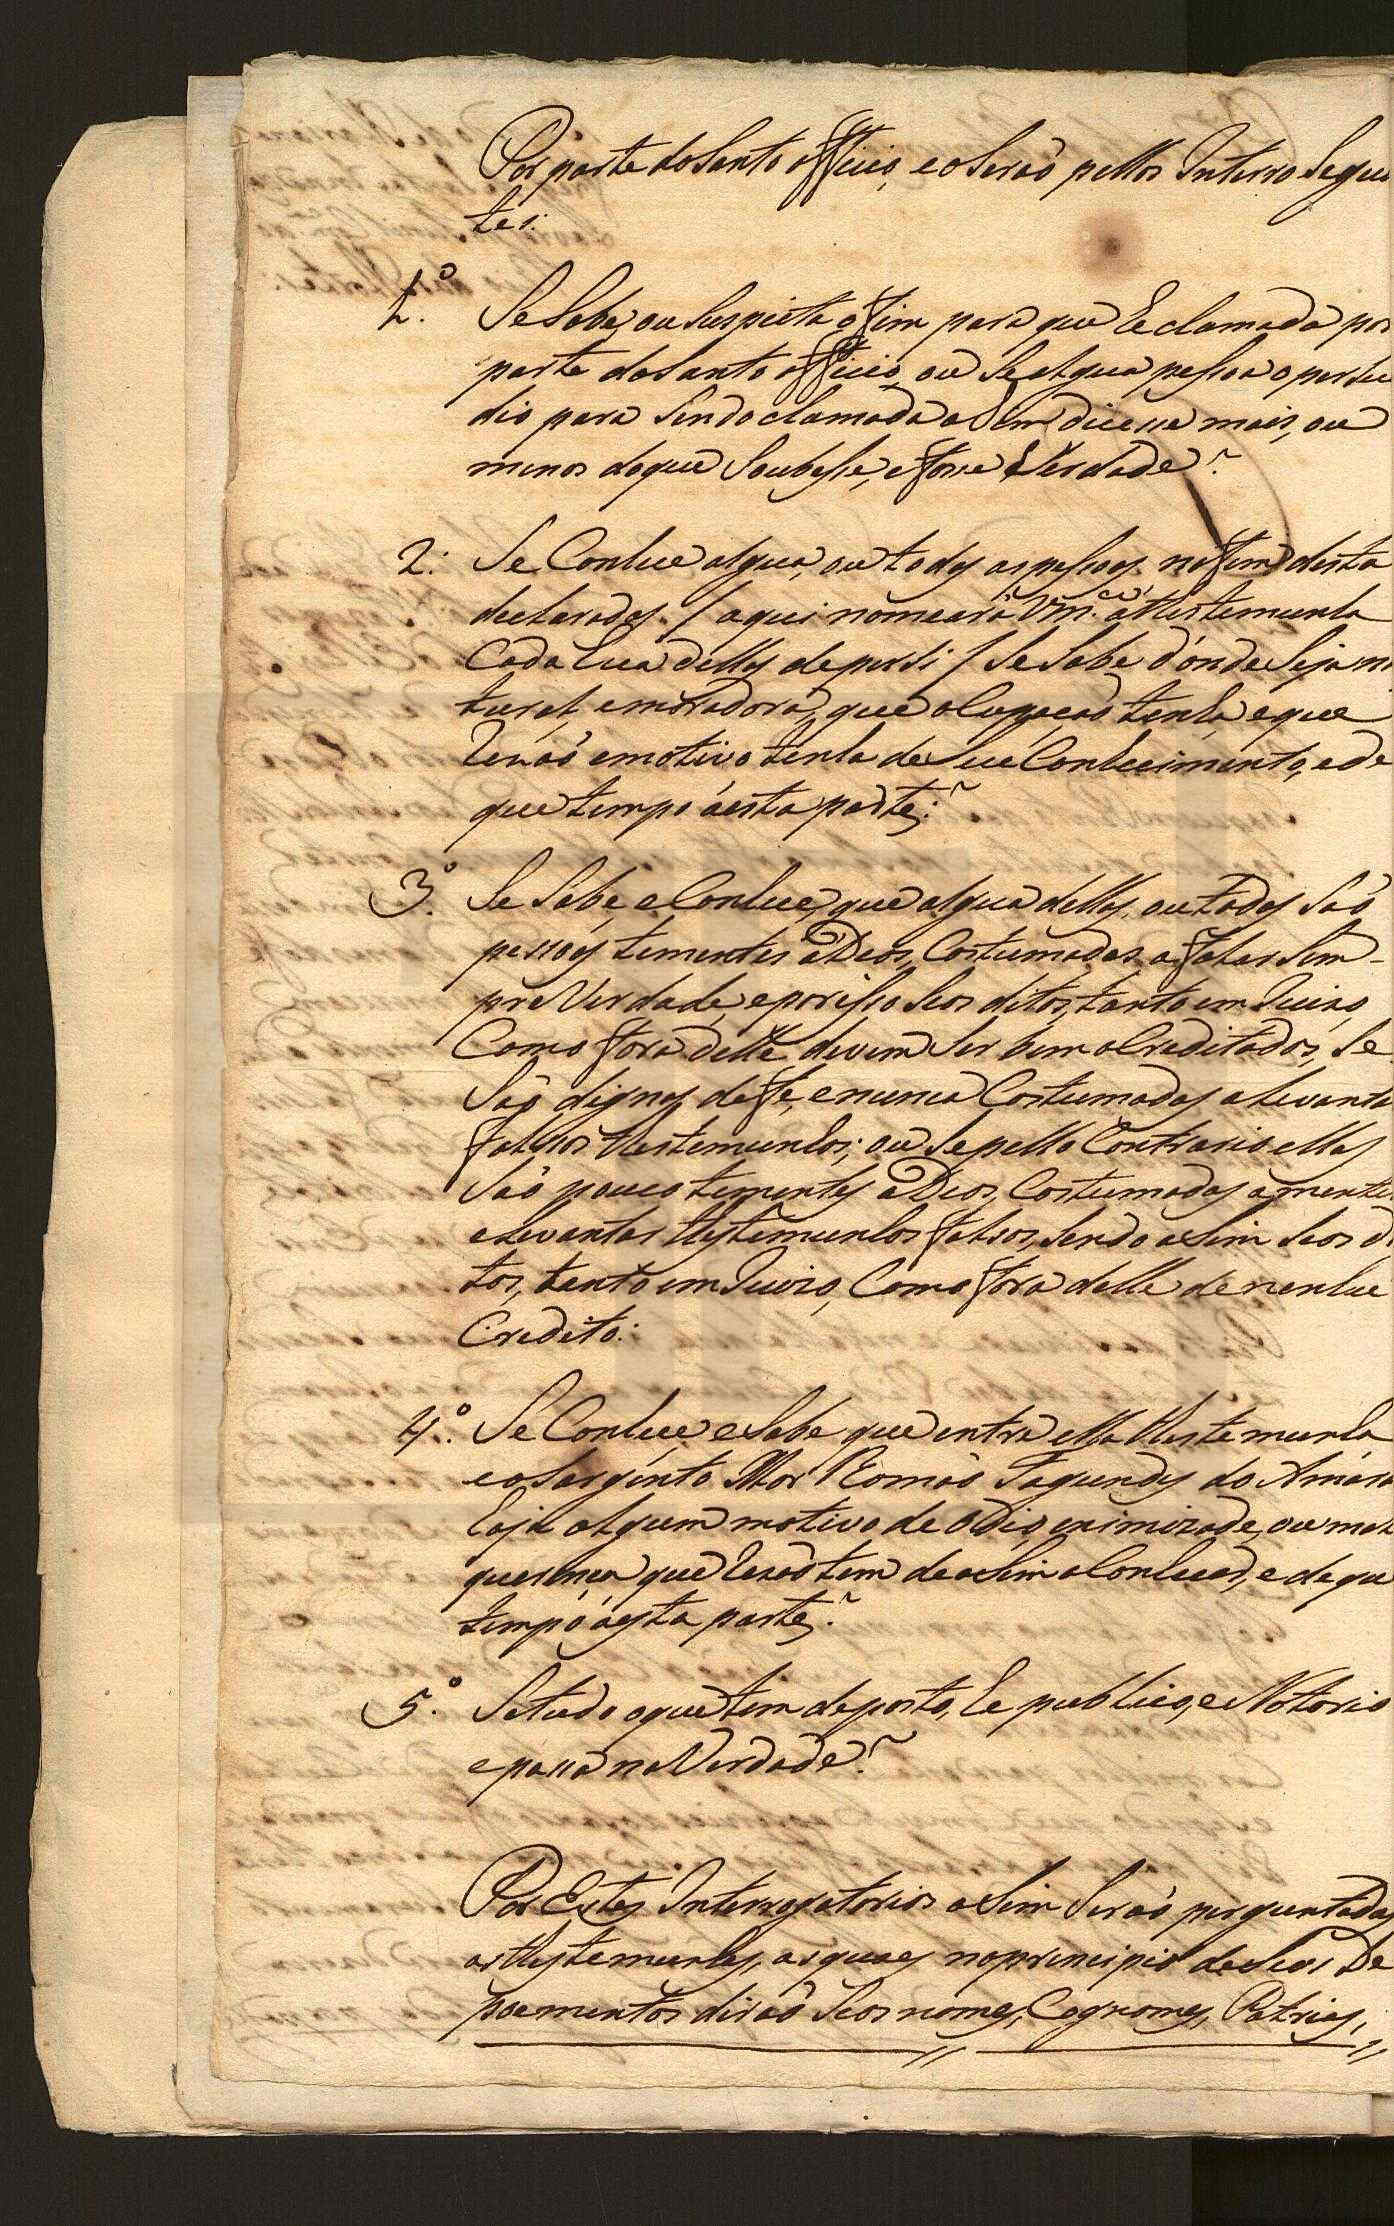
Por parte do Santo officio, e o Seraõ pellos Interro Segu
tes:
1.o
Se Sabe ou suspeita o fim para que he chamado por
parte do Santo officio ou se algua pessoa o persu
dio para sendo chamado aSim dicesse mais, ou
menos, do que Soubesse, e fosse Verdade.
2.
Se Conhece algūa, ou todas as pessoas no fim desta
declaradas / aqui nomeará V M.ce a thestemunha
Cada hua dellas de per si / Se Sabe d´onde Seja n_
tural, e moradora, que Ocupação tenha, e que
Rezaõ e motivo tenha de Seu Conhecimento, e de
que tempo a esta parte:
3.o
Se Sabe e Conhece que algua dellas ou todas saõ
pessoas tementes a Deos, Costumadas a falar sem
pre Verdade, e por isso seos ditos, tanto em Iuizo,
Como fora delle devem ser bem aCreditados, se
saõ dignas de fe, e nunca Costumadas a levanta
falssos testemunhos; ou se pello Contrario ellas
Saõ pouco tementes a Deos, Costumadas a menti
e levantar testemunhos falsos, sendo aSim seos d_
tos, tanto em Iuizo, Como fora delle de nenhu_
Credito:
4.o
Se Conhece, e Sabe que entre ella thestemunha,
e o sargento Mor Romaõ Fagundes do Amara
haja algum motivo de odio, enimizade, ou mal
querença que Rezaõ tem de aSim a Conhecer, e de qu
tempo á esta parte.
5.o
Se tudo o que tem deposto, he publico, e Notorio
e passa na Verdade.
Por Estes Interrogatorios aSim serão perguntadas
as thestemunhas, as quaes no principio de Seos De
poementos diraõ seos nomes, Cognomes, Patrias,
